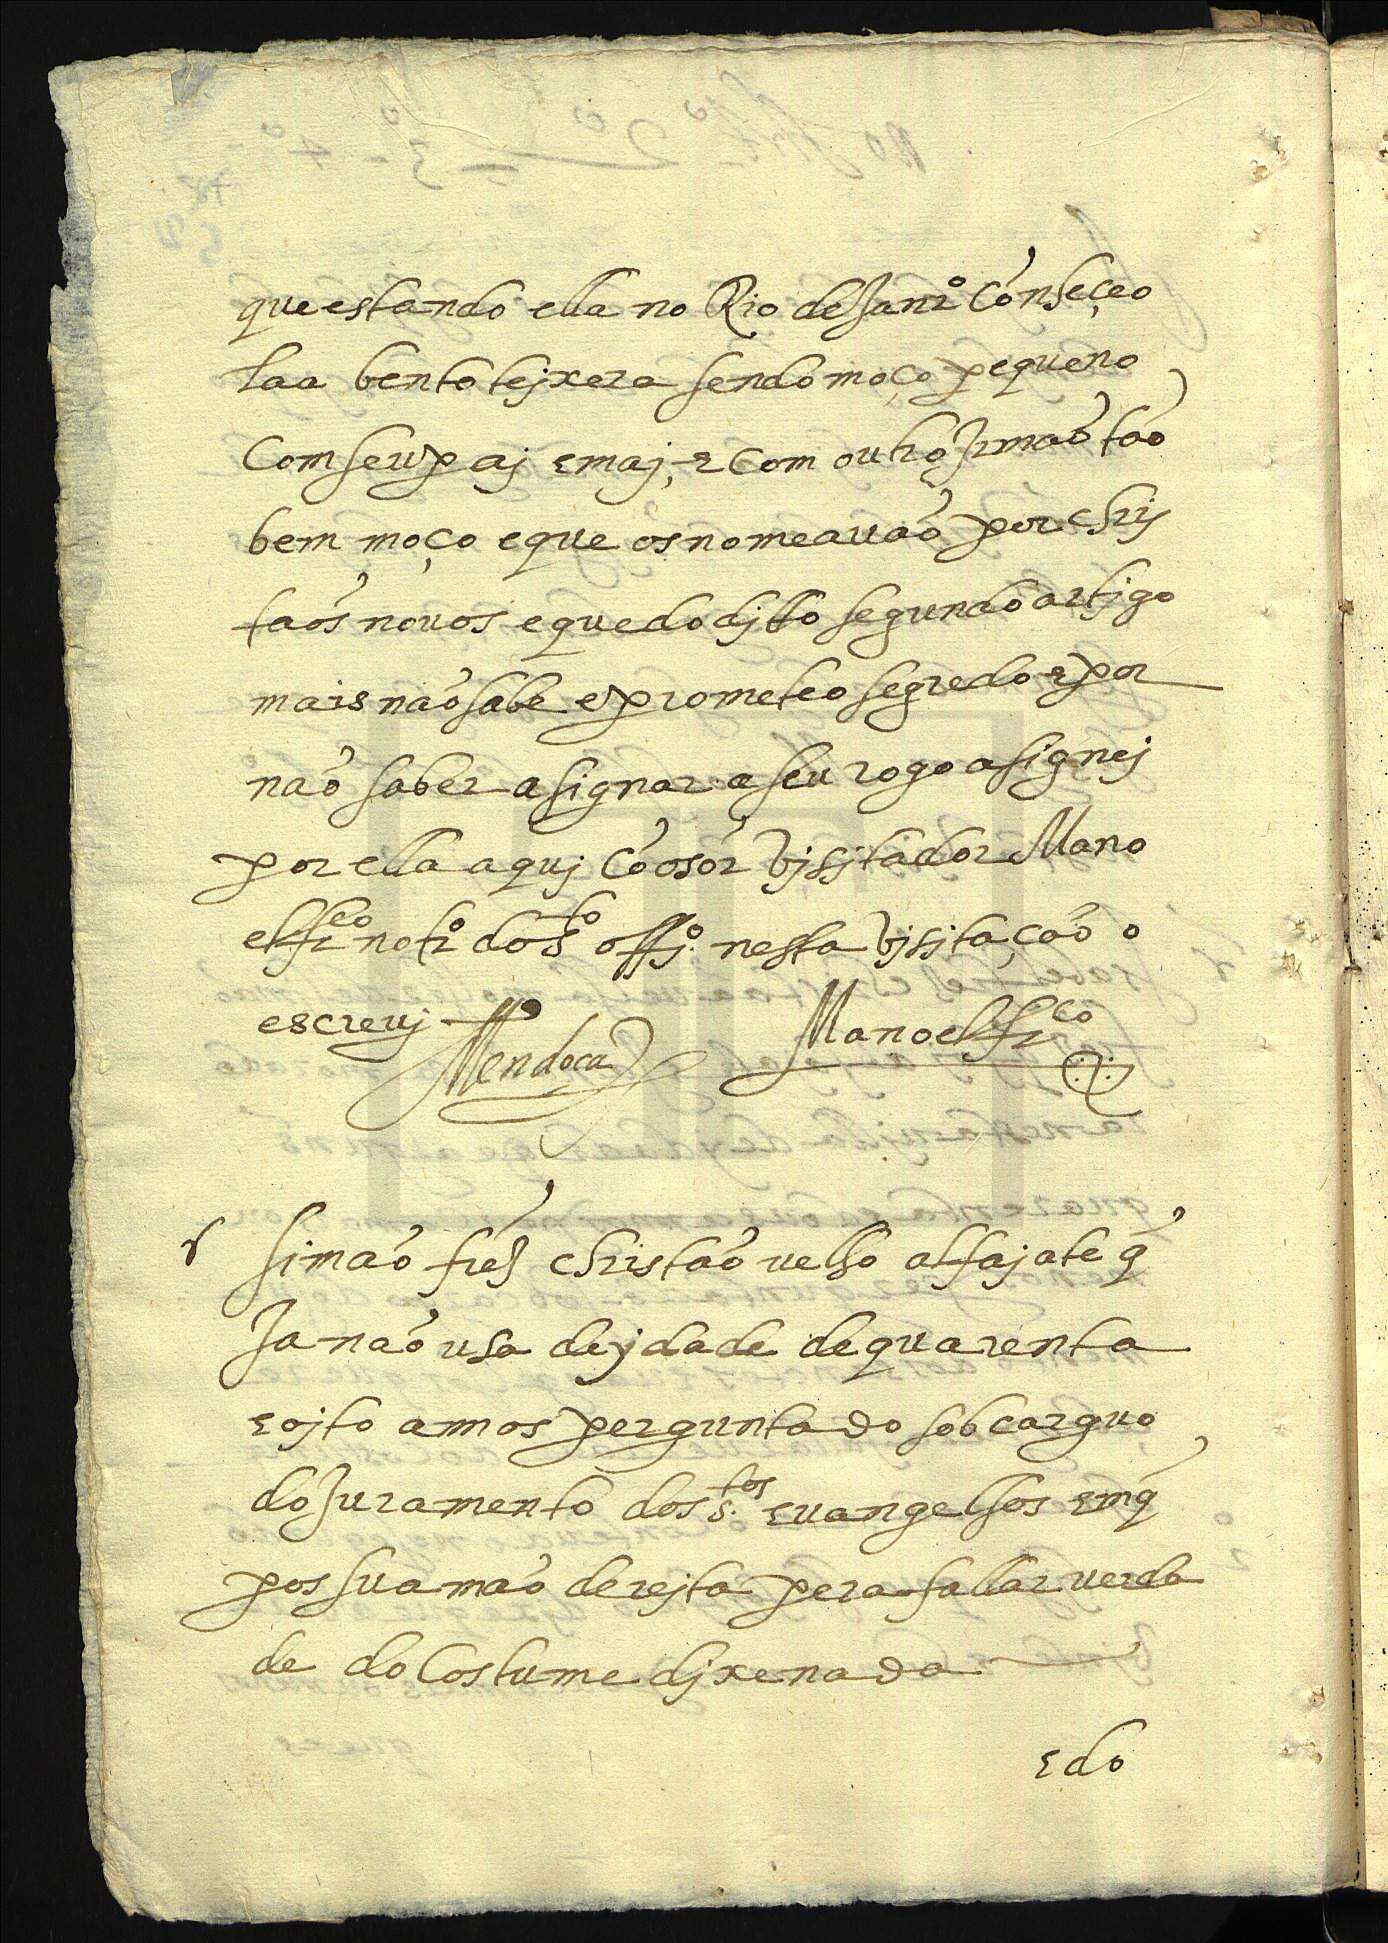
que estando ella no Rio de Janro cōnheçeo
laa bento tejxera sendo moço pequeno
com seu paj E maj, E com outro Jrmaõ taõ
bem moço e que os nomeauaõ por chri
taõs nouos e que do djtto segundo artjgo
mais naõ sabe e prometeo segredo E por
naõ saber assignar a seu rogo assignej
por ella aquj cō o sor̄ vjsjtador Mano
el frco notro do sto offjo nesta vjsjtaçaõ o
escreuj
Simão frez̄ christaõ uelho alfajate q̄
Ja naõ usa de ydade de quarenta
E ojto annos perguntado sob carguo
do Juramento dos s.tos Euangelhos Em q̄
pos sua maõ derejta pera fallar uerda
de do Costume djxe nada
E do
